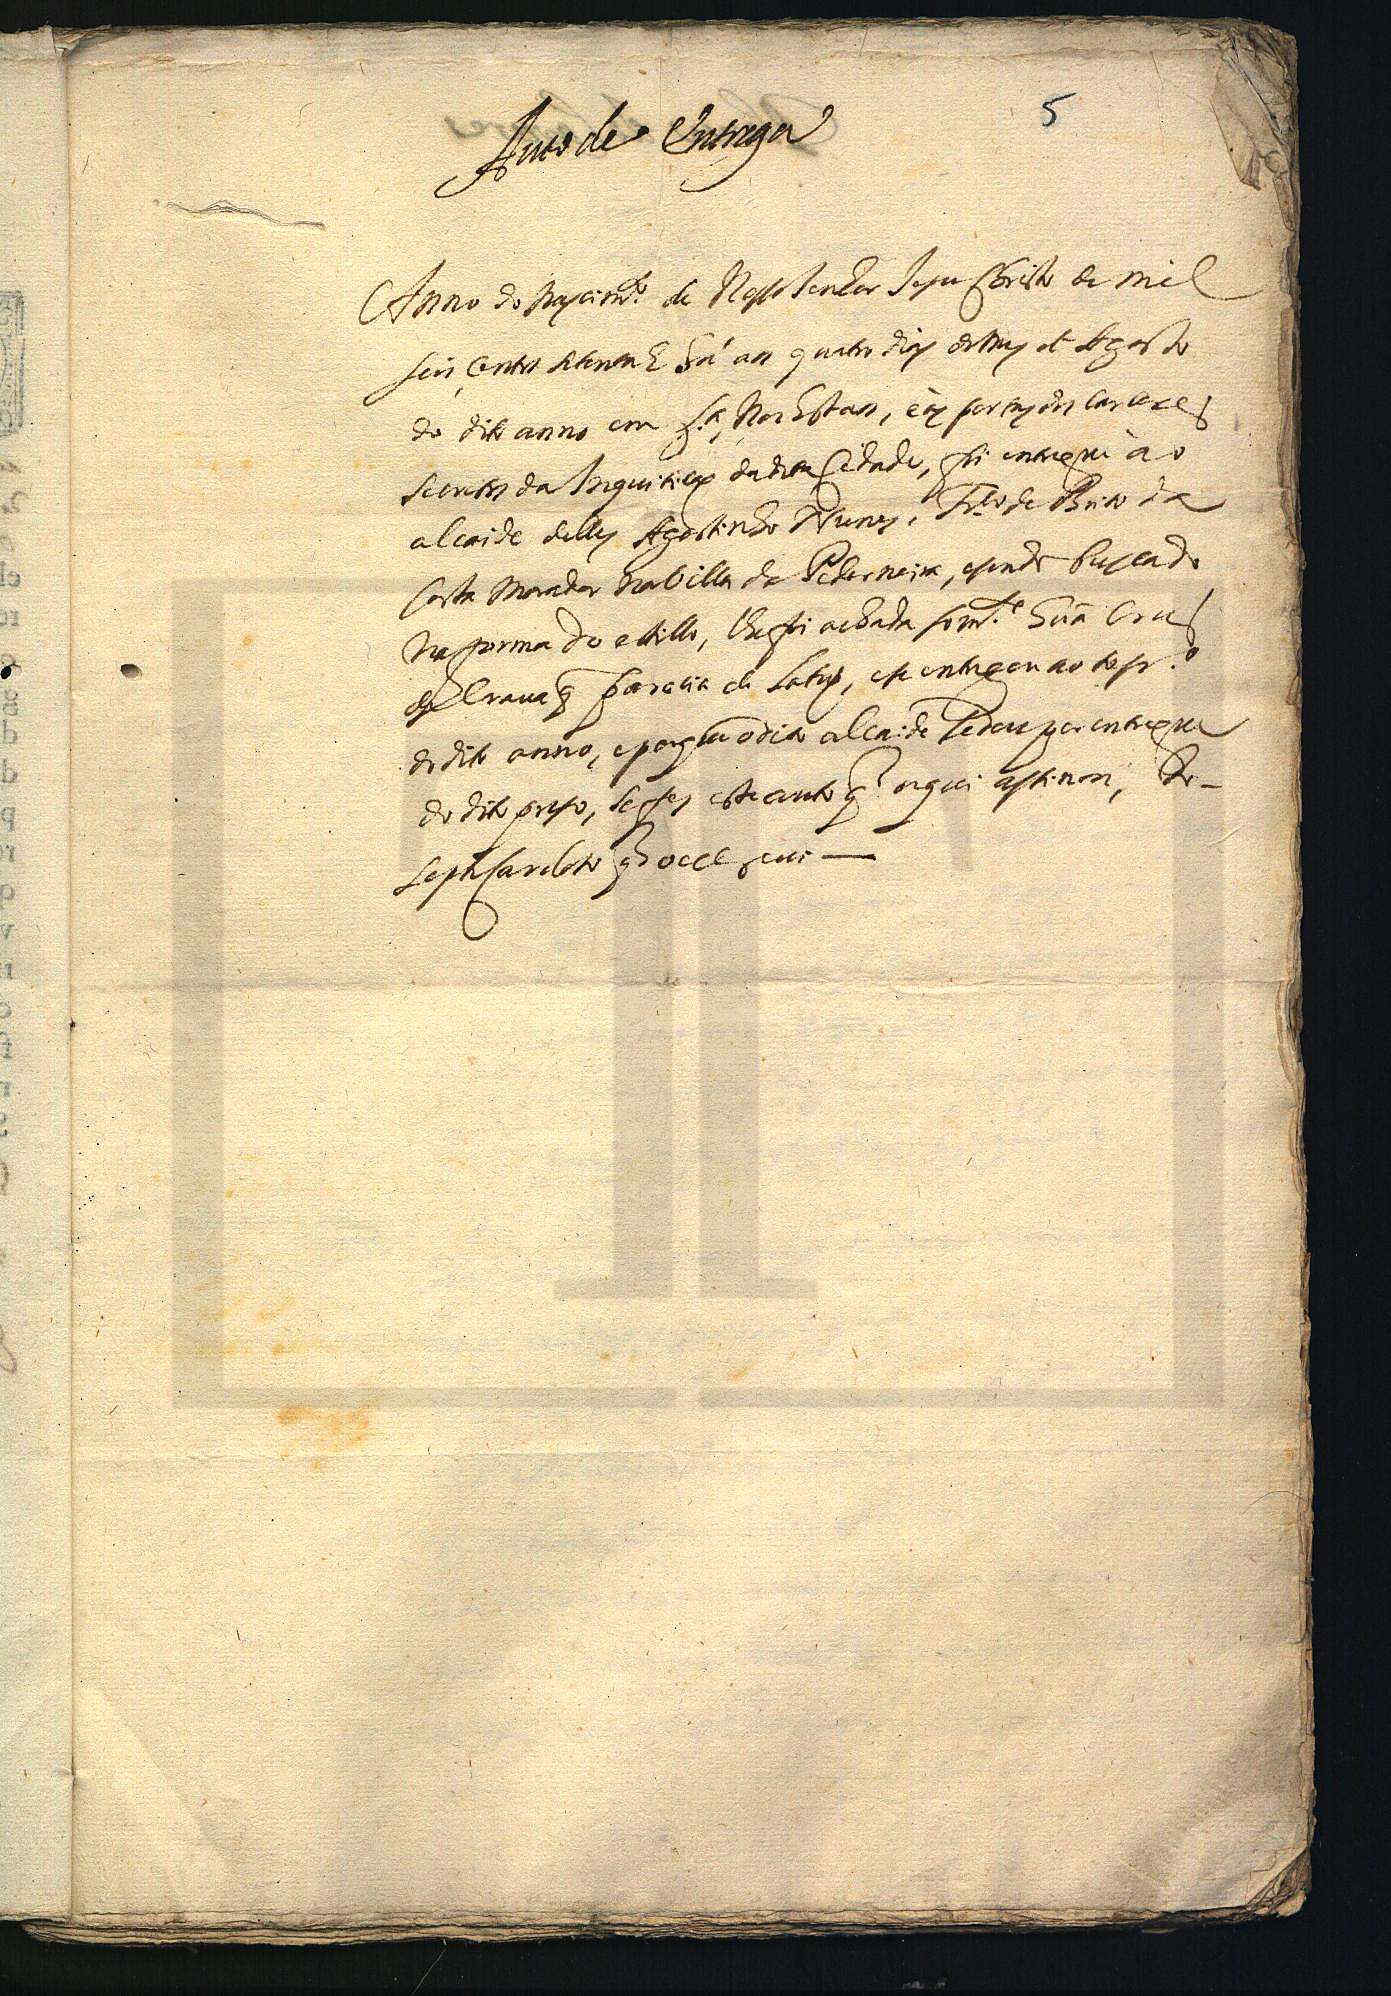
Auto de Entrega
Anno do nascim.to de Nosso Senhor Iesu Christo de mil
seiscentos setenta E hū aos quatro dias do mes d̄ Agosto
do dito anno em L.a Nos Estaos, e às portas dos carceres
secretos da Inquisiçaõ da dita Cidade, foi entregue ào
alcaide delles Agostinho Nunes, Fr.co de Brito da
Costa morador na Villa da Pederneira, e sendo buscado
na forma do estillo, lhe foi achada somte huā crus
de craua q̄ parecia de Lataõ, e se entregou ao tesr.o
do ditto anno, e porque o dito alcaide se deu por entregue
do dito preso, se fes este auto q̄ aqui assinou, Io
seph Cardoso q̄ o escreui
